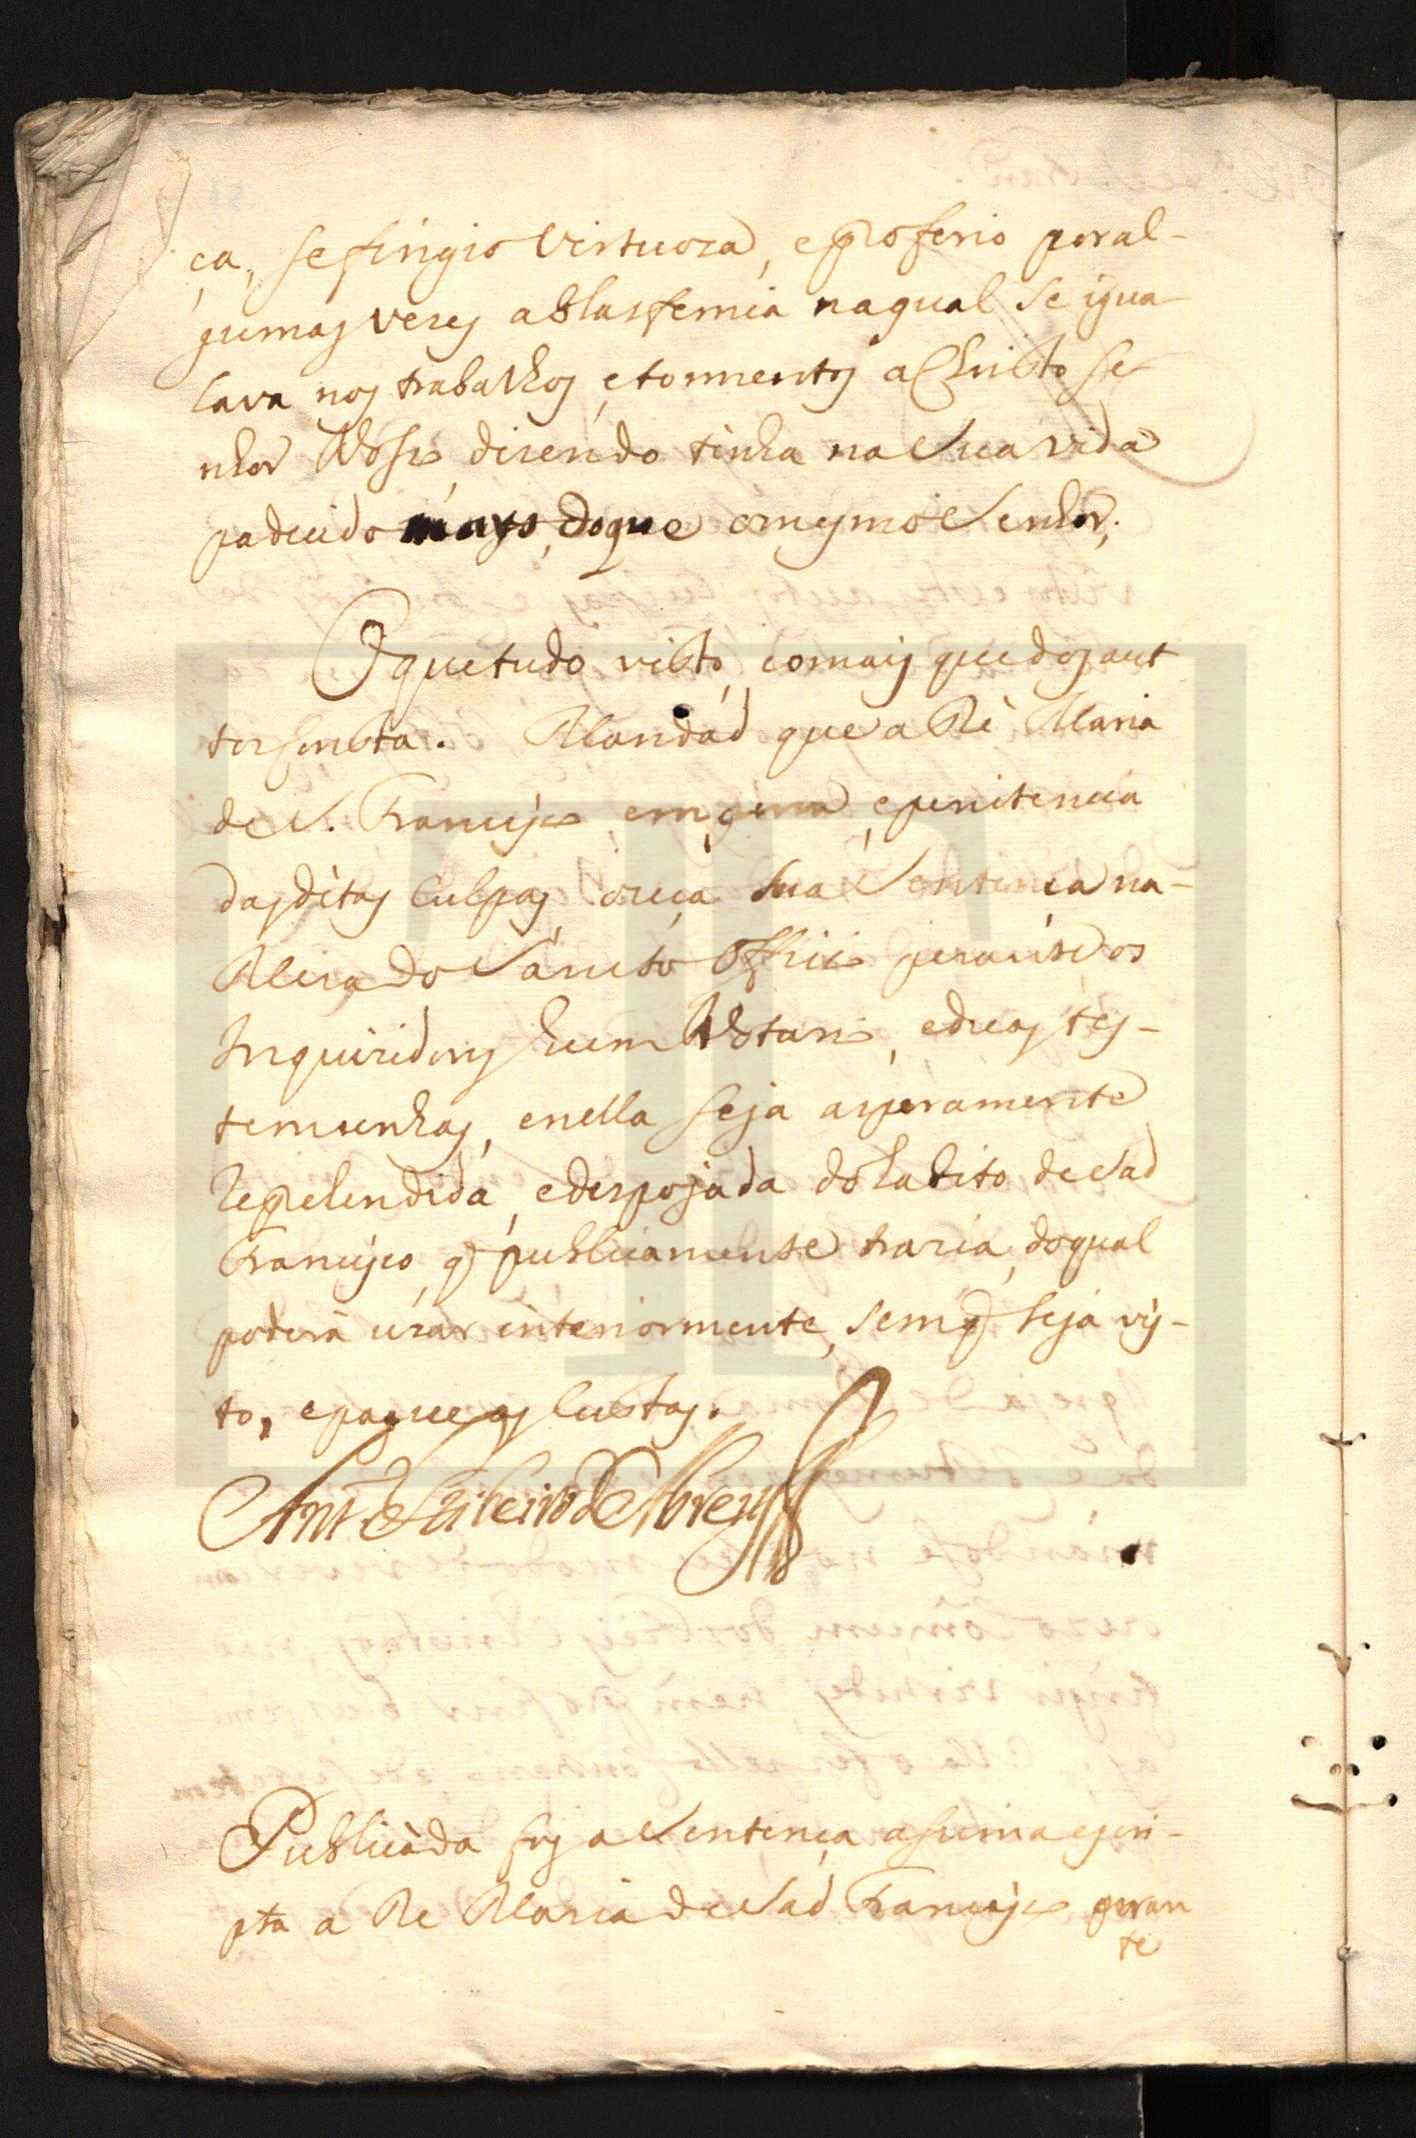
ça, se fingio virtuoza, e proferio por al
gumas vezes a blasfemia na qual se igua
lava nos trabalhos e tormentos a Christo se
nhor Nosso dizendo tinha na sua vida
padecido mays, do que o mesmo Senhor;
O que tudo visto e o mais que dos aut
tos Consta. Mandaõ que a Ré Maria
de S. Francisco emcina, e penitencia
das ditas Culpas, ouça sua Sentença na
Meza do Sancto officio perante os
Inquizidores hum Notario, e duas tes
temunhas, e nella seja asperamente
Repehendida, e despojada do habito de Saõ
Francisco, q̄ publicamente trazia, do qual
poderá uzar interiormente, sem q̄ seja vis
to, e pague as Custas.
Anto Ribeiro de Abreu
Publicàda foy a Sentença assima escri
pta a Re Maria de Saõ Francisco peran
te
